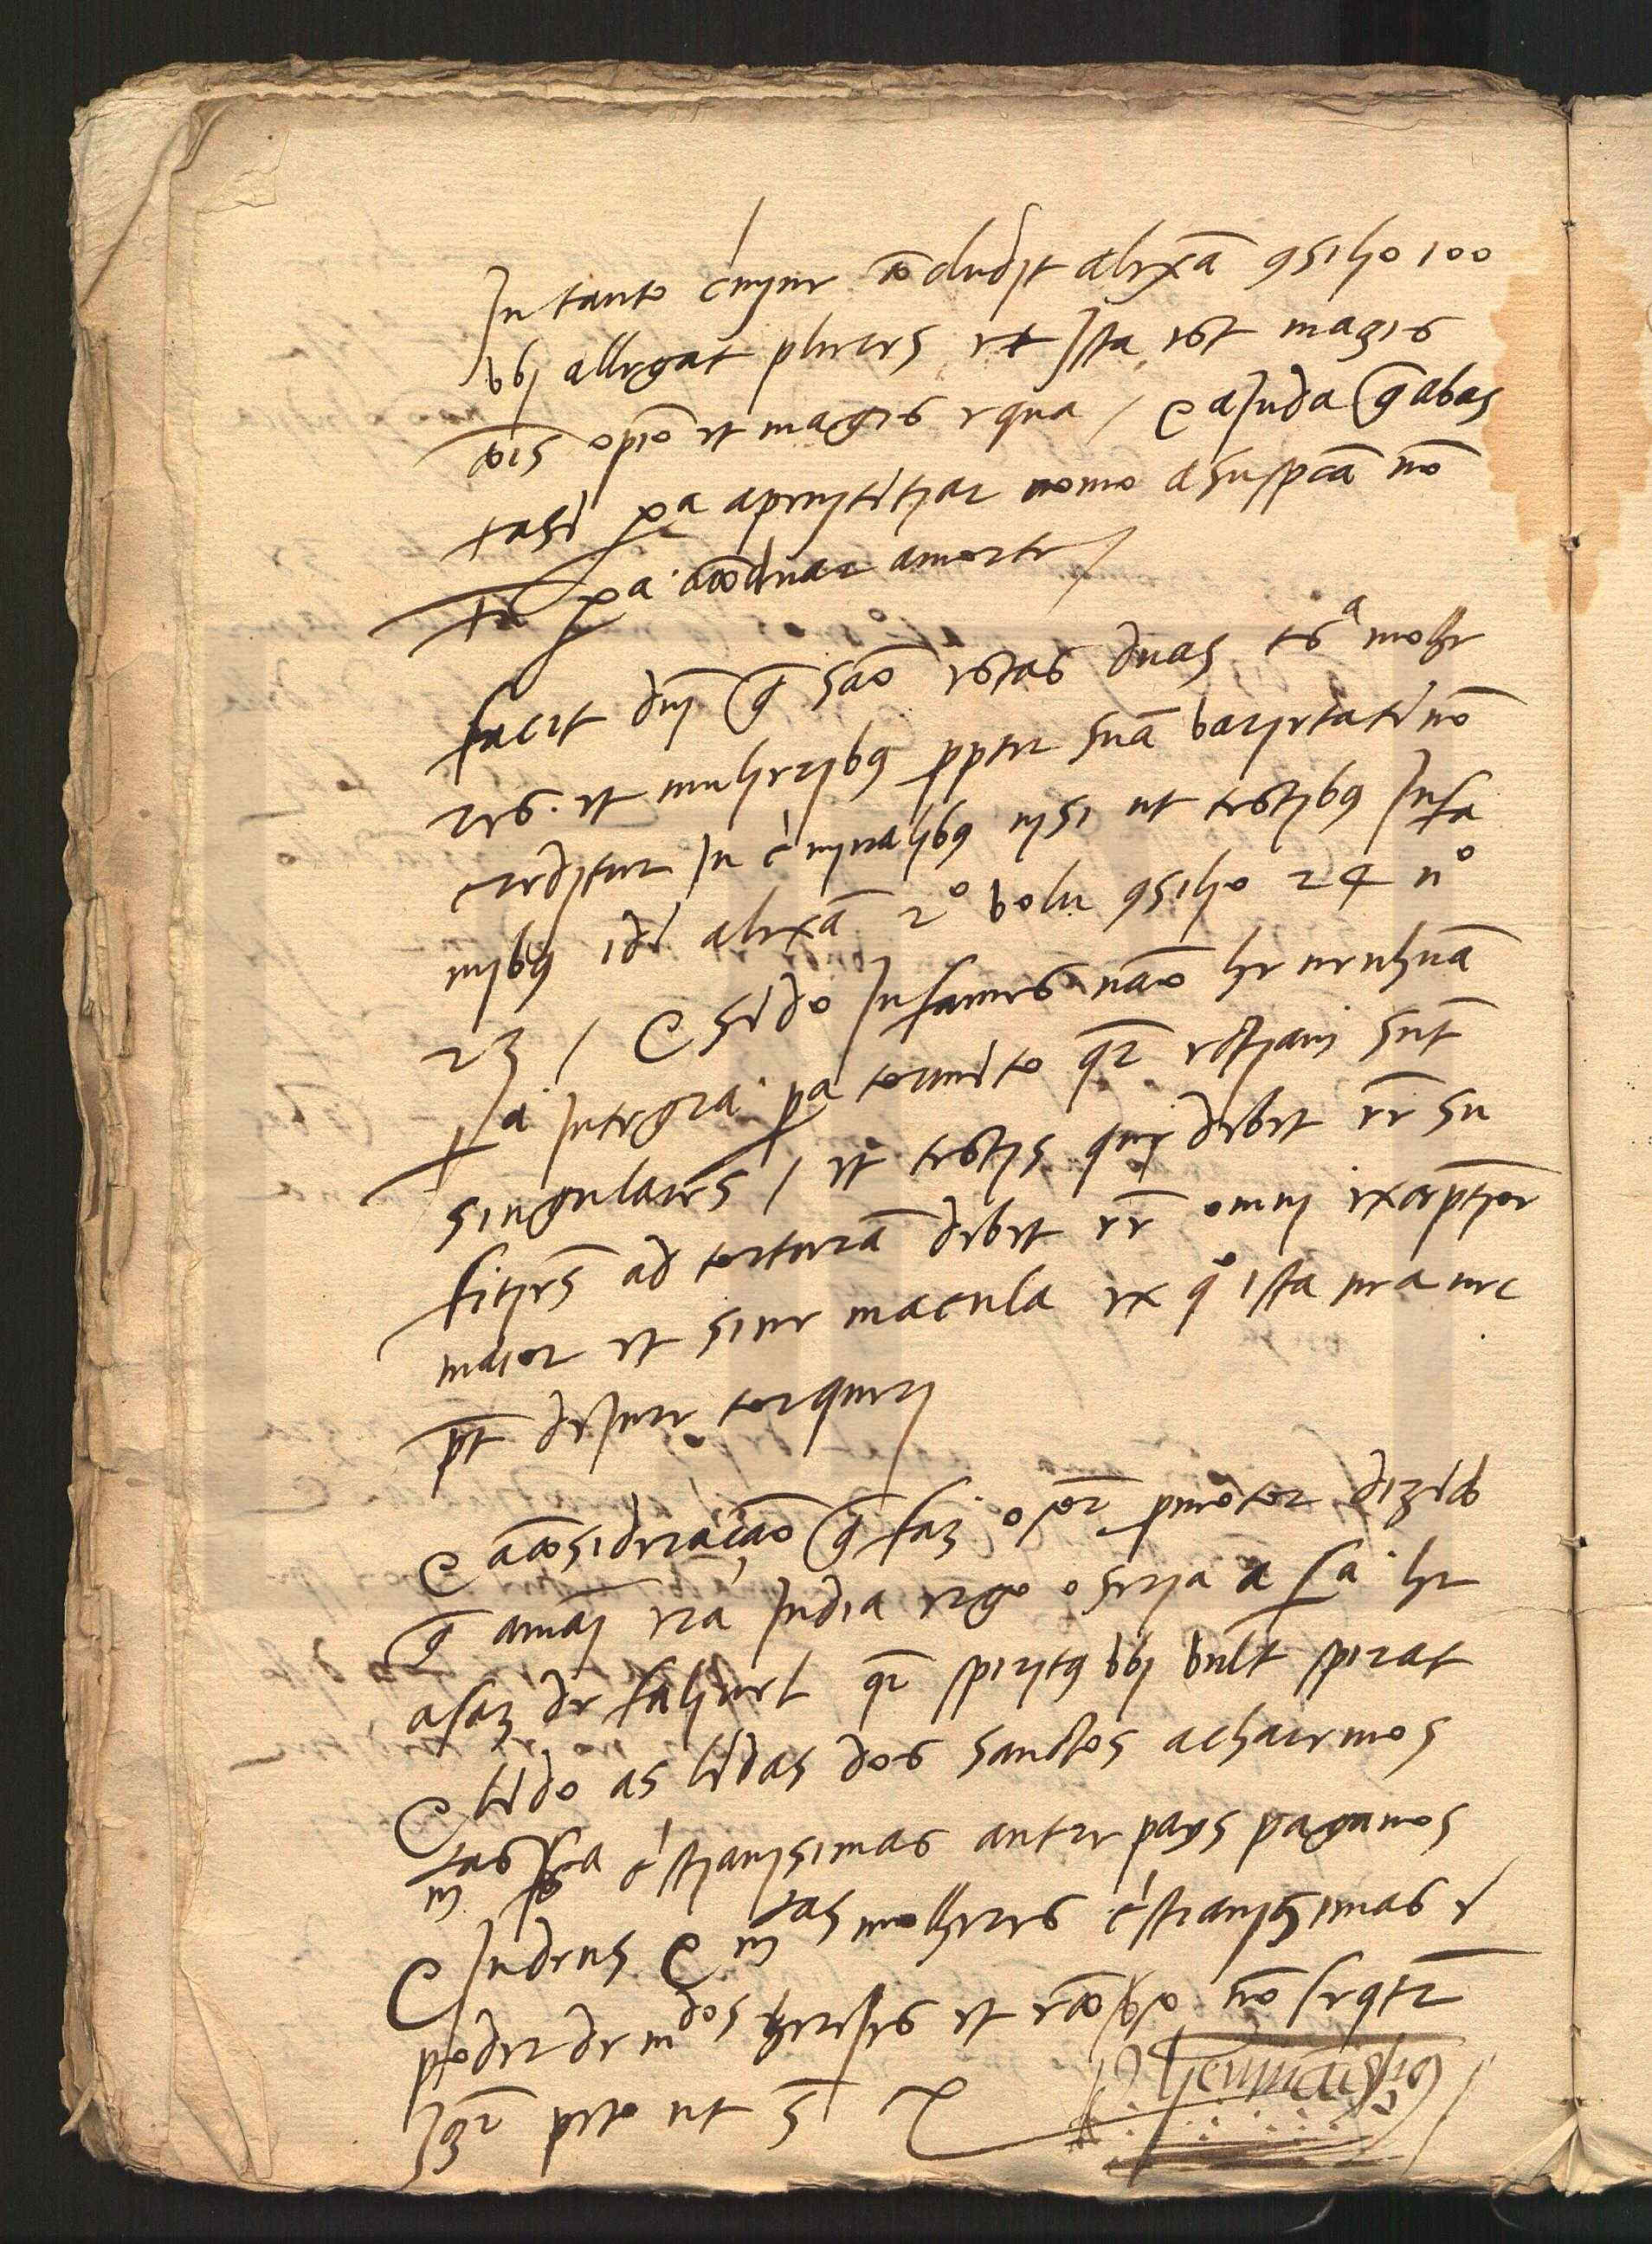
Jn tanto cimjne c̄ocludjt alexā ꝯsiljo 100
vbj allegat plures et Jsta est magis
c̄ois opīo et magis equa / e aJnda q̄ a bas
tasē ꝑa a penjtētjar como a suspçā nō
tē ꝑa a cōdenar a morte
facit dnj̄ q̄ são estas duas tsa molhe
res et muljerjbꝯ ꝓpter suā varjetatē nō
credjtur Jn cimjnaljbꝯ njsi ut testjbꝯ Jn fa
mjbꝯ idē alexā 2o volu ꝯsiljo 24 no
23 / e sēdo Jnfames não he nenhuā
ta Jntegra ꝑa tormēto q̄r ectjam snt̄
singulares / et testjs que debet ēe su
fitjēs ad torturā debet ēe omnj excep̄tjoe
maior et sine macula ex qo ista re a nec
p̄t de Jure torquerj
e a cōsideração q̄ faz o sōr ꝓmotor dizēdo
q̄ a mãj era Judia ergo o serja a fa he
asaz de faljuel q̄r spirjtꝯ vbj vult spirat
e lēdo as lēdas dos sanctos achamos
mtas fsa cistjanjsimas antre pays paganos
e Judeus e mtas molheres cistianjsimas ē
poder de mdos hereJes et ec̄oꝟso nō seqtr̄
Jgr̄ peto ut s̄
